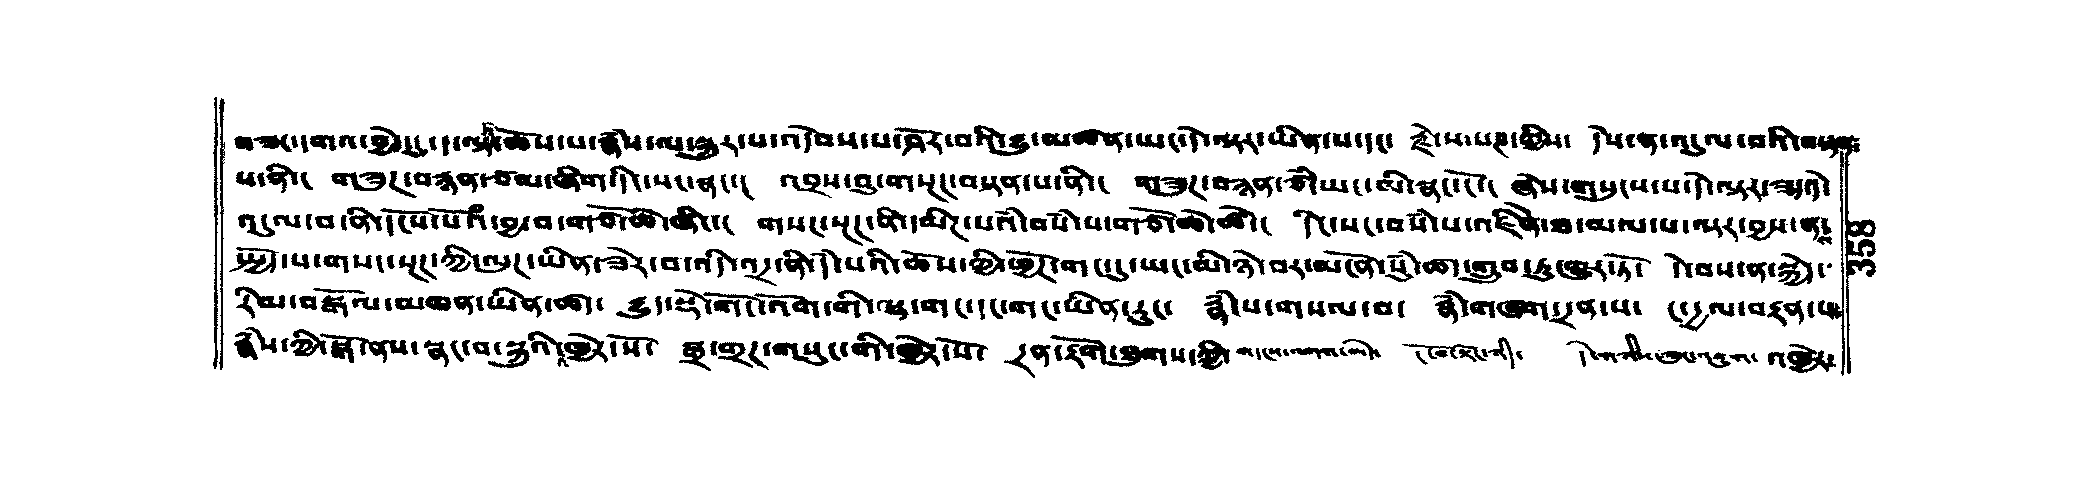བཟང་དགའ་བྱེད་དུ་ད་ལྟའི་ཆོས་པ་རྣམས་ལ་སྐུར་པ་འདེབས་ཤོར་བའི་རྒྱུ་མཚན་ཡང་དེ་ལྟར་ཡིན་པ་དང་། རྗེ་ས་པཎ་་གྱིས། དེས་ན་འདུལ་བའི་བསྟན་
པ་ནི། །གཟུགས་བརྙན་ཙམ་ཞིག་དིང་སང་སྣང་། །འབྲས་བུ་གསང་སྔགས་བསྟན་པ་ནི། །གཟུགས་བརྙན་ཙམ་ཡང་མི་སྣང་ངོ་། ཞེས་གསུས་པ་དེ་ལྟར་ཟད་དོ། 
འདུལ་བ་ནི་དངོས་པོའི་བྱ་བ་གཙོ་ཆེ་ཞིང་། གསང་སྔགས་ནི་དམིགས་པའི་བསམ་པ་གཙོ་ཆེ་ཚེ། དིང་སང་བསམ་པ་འཇིག་རྟེན་ཐ་མལ་པ་ལྟར་བྱས་ནས་
སྤྱོད་པ་གསང་སྔགས་ཀྱི་ལུགས་ཡིན་ཟེར་བ་འདི་འདྲ་ནི་དམ་པའི་ཆོས་ཀྱི་ཕྱོགས་གང་དུ་ཡང་མི་ཉེ་བར་མངོན་སུམ་ཚད་གྲུབ་ཏུ་གྱུར་ཏོ། དེ་བས་ན་བསྐྱེད་
རིམ་བསྒོམ་མཁན་ཡིན་ཚད། རྒྱུད་སྡེ་གོང་འོག་གི་ལྷ་གང་དང་གང་ཡིན་རུང་། རྣམ་པ་གསལ་བ། རྣམ་དག་དྲན་པ། ང་རྒྱལ་བརྟན་པ་
རྣམས་ཀྱི་སྒོ་ནས་སྣང་བ་སྐུའི་འཁྱེར་སོ།སྒྲ་གྲགས་གསུང་གི་འཁྱེར་སོ། དྲན་རྟོག་ཐུགས་ཀྱི་འཁྱེར་